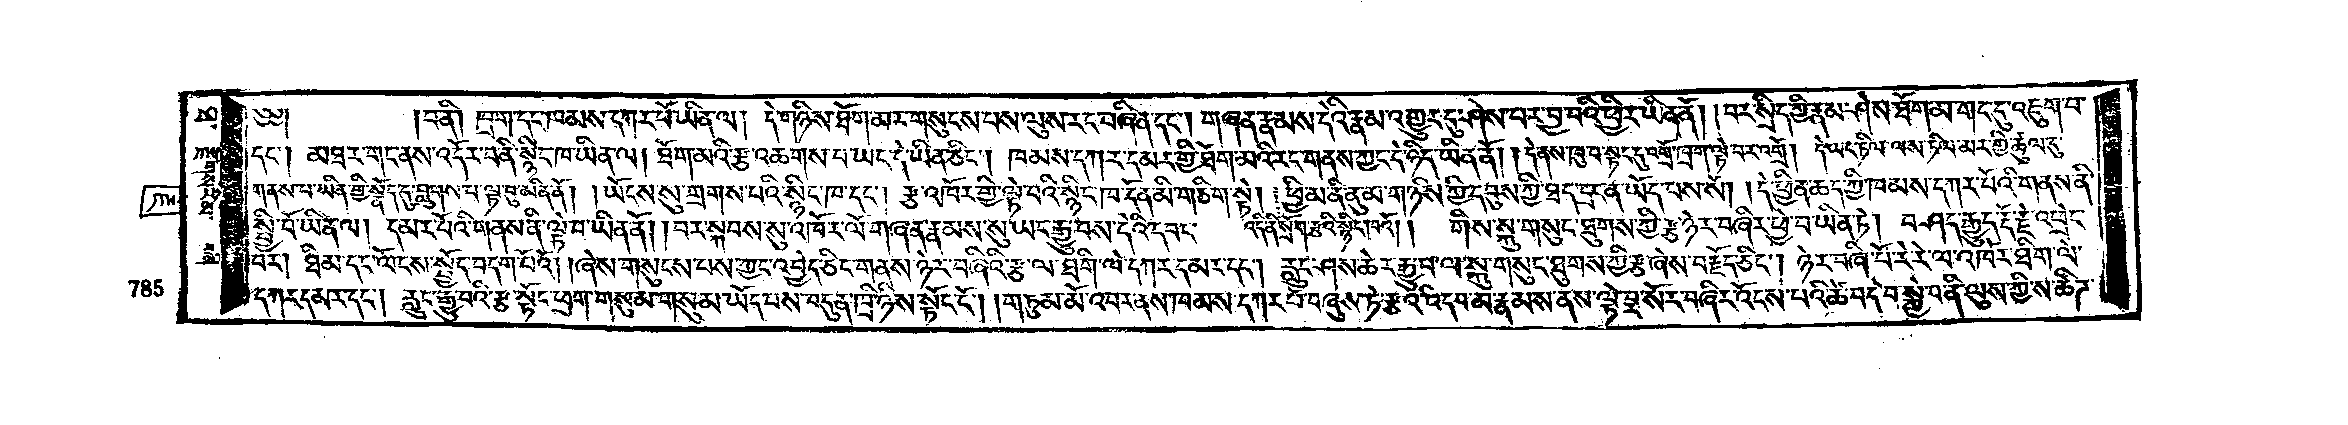༄༅། །པ་ནི། ཁྲག་དང་ཁམས་དཀར་པོ་ཡིན་ལ། དེ་གཉིས་ཐོག་མར་གསུངས་པས་ལུས་རང་བཞིན་དང་། གཞན་རྣམས་དེའི་རྣམ་འགྱུར་དུ་ཤེས་པར་བྱ་བའི་ཕྱིར་ཡིན་ནོ། །བར་སྲིད་ཀྱི་རྣམ་ཤེས་ཐོག་མ་གང་དུ་འཇུག་པ་
དང་། མཐར་གང་ནས་འདོར་བ་ནི་སྙིང་ཁ་ཡིན་ལ། ཐོག་མའི་རྩ་འཆགས་པ་ཡང་དེ་ཡིན་ཅིང་། ཁམས་དཀར་དམར་གྱི་ཐོག་མའི་རང་གནས་ཀྱང་དེ་ཉིད་ཡིན་ནོ། །དེ་ནས་ཁུ་བ་སྟེང་དུ་འགྲོ་ཁྲག་ལྟེ་བར་འགྲོ། དེ་ཡང་ཏིལ་ལས་ཏིལ་མར་གྱི་ཚུལ་དུ་
གནས་པ་ཡིན་གྱི་སྣོད་དུ་བླུགས་པ་ལྟ་བུ་མིན་ནོ། །ཡོངས་སུ་གྲགས་པའི་སྙིང་ཁ་དང་། རྩ་འཁོར་གྱི་ལྟེ་བའི་སྙིང་ཁ་དོན་མི་གཅིག་སྟེ། ཕྱི་མ་ནི་ནུ་མ་གཉིས་ཀྱི་དབུས་ཀྱི་ཐད་དྲང་ན་ཡོད་པས་སོ། །དེ་ཕྱིན་ཆད་ཀྱི་ཁམས་དཀར་པོའི་གནས་ནི་
སྤྱི་བོ་ཡིན་ལ། དམར་པོའི་གནས་ནི་ལྟེ་བ་ཡིན་ནོ། །བར་སྐབས་སུ་འཁོར་ལོ་གཞན་རྣམས་སུ་ཡང་རྒྱུ་བས་དེའི་དབང་འདི་ནི་སྲོག་རྩའི་སྙིང་ཁའོ། །གིས་སྐུ་གསུང་ཐུགས་ཀྱི་རྩ་ཉེར་བཞིར་ཕྱེ་བ་ཡིན་ཏེ། བཤད་རྒྱུད་རྡོ་རྗེ་འཕྲེང་
བར། ཐིམ་དང་ལོངས་སྤྱོད་བདག་པོའོ། །ཞེས་གསུངས་པས་ཀྱང་འབྱེད་ཅིང་གནས་ཉེར་བཞིའི་རྩ་ལ་ཐིག་ལེ་དཀར་དམར་དང་། རླུང་ཤས་ཆེར་རྒྱུ་བ་ལ་སྐུ་གསུང་ཐུགས་ཀྱི་རྩ་ཞེས་བརྗོད་ཅིང་། ཉེར་བཞི་པོ་རེ་རེ་ལ་འཁོར་ཐིག་ལེ་
དཀར་དམར་དང་། རླུང་རྒྱུ་བའི་རྩ་སྟོང་ཕྲག་གསུམ་གསུམ་ཡོད་པས་བདུན་ཁྲི་ཉིས་སྟོང་ངོ། །གཏུམ་མོ་འབར་ནས་ཁམས་དཀར་པོ་བཞུས་ཏེ་རྩའི་འདབ་མ་རྣམས་ནས་ལྟེ་བར་སོར་བཞིར་འོངས་པའི་ཚེ་བདེ་བ་སྐྱེ་བ་ནི་ལུས་ཀྱི་ས་ཚིགས་